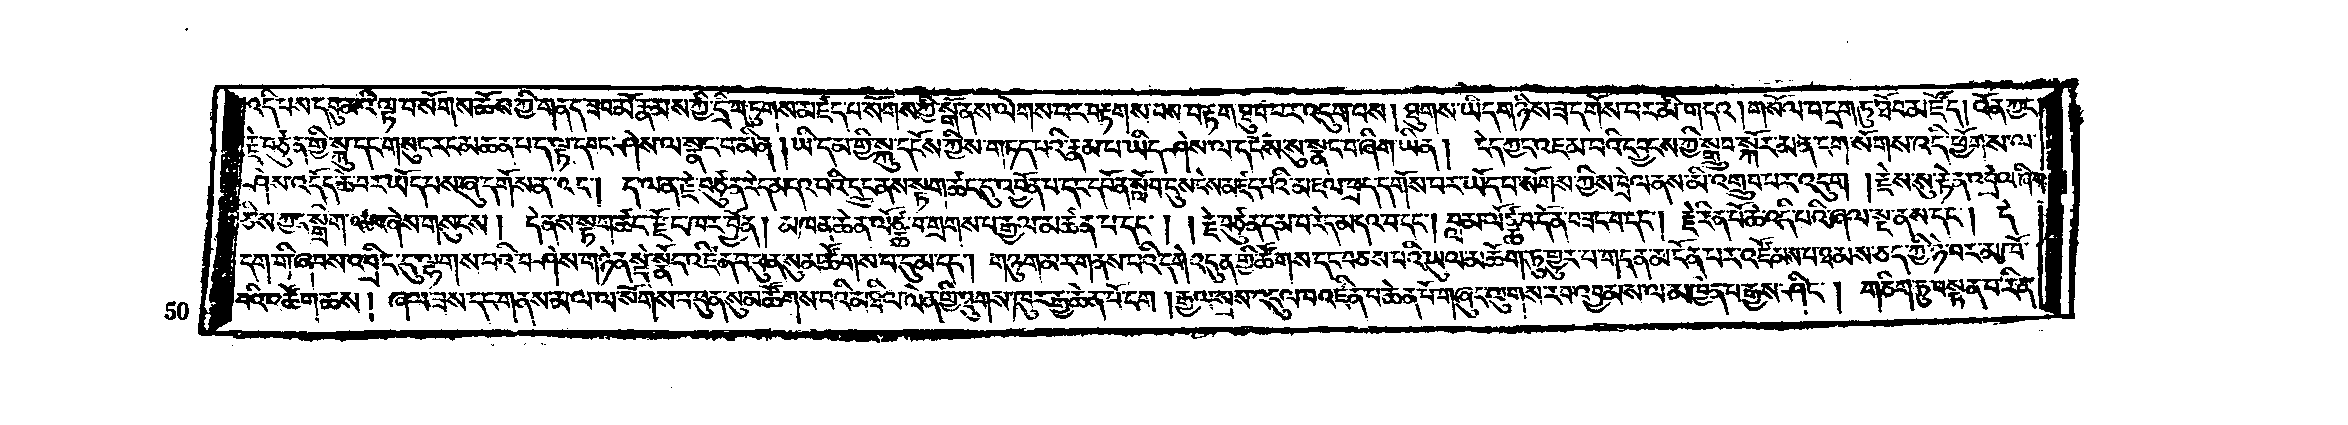འདི་པས་དབུ་མའི་ལྟ་བ་སོགས་ཆོས་ཀྱི་གནད་ཟབ་མོ་རྣམས་ཀྱི་དྲི་གཏུགས་མཛད་པ་སོགས་ཀྱི་སྒོ་ནས་ལེགས་པར་བརྟགས་པས་བརྟག་ཐུབ་པར་འདུག་པས། ཐུགས་ཡིད་གཉིས་ཟ་དགོས་པར་མི་གདའ། གསོལ་བ་དྲག་ཏུ་ཐོབ་མཛོད། འོན་ཀྱང་
རྗེ་བཙུན་གྱི་སྐུ་དང་གསུང་རང་མཚན་པ་ད་ལྟ་དབང་ཤེས་ལ་སྣང་བ་མིན། ཡི་དམ་གྱི་སྐུ་དངོས་ཀྱིས་གཏད་པའི་རྣམ་པ་ཡིད་ཤེས་ལ་དངོས་སུ་སྣང་བ་ཞིག་ཡིན། ངེད་ཀྱང་འཇམ་པའི་དབྱངས་ཀྱི་སྒྲུབ་སྐོར་མན་ངག་སོགས་འདི་ཕྱོགས་ལ་
ཤེས་འདོད་ཆེ་བར་ཡོད་པས་ཞུ་དགོས་ན་འང་། ད་ལན་རྗེ་བཙུན་རེད་མདའ་བའི་དྲུང་ནས་སྟག་ཚང་དུ་འབྱོན་པ་དང་དཔོན་སློབ་དུས་ངེས་མཛད་པའི་མཇལ་ཕྲད་དགོས་པར་ཡོད་པ་སོགས་ཀྱིས་བྲེལ་ནས་མི་འགྲུབ་པར་འདུག །རྗེས་སུ་རྟེན་འབྲེལ་ཞིག་
ཅིས་ཀྱང་སྒྲེག་འཚལ་ཞེས་གསུངས། དེ་ནས་སྟག་ཚང་རྫོང་ཁར་བྱོན། མཁན་ཆེན་ལོ་ཙྪ་བ་གྲགས་པ་རྒྱལ་མཚན་པ་དང་། །རྗེ་བཙུན་དམ་པ་རེད་མདའ་བ་དང་། བླ་མ་ལོ་ཙྪ་བ་དོན་བཟང་བ་དང་། རྗེ་རིན་པོ་ཆེ་འདི་པའི་ཞལ་སྔ་ནས་དང་། དེ་
དག་གི་ཞབས་འབྲིང་དུ་ལྷགས་པའི་བཤེས་གཉེན་སྡེ་སྣོད་འཛིན་པ་ཕུན་སུམ་ཚོགས་པ་དུ་མ་དང་། གཉུག་མར་གནས་པའི་དགེ་འདུན་གྱི་ཚོགས་དང་བཅས་པའི་ཡུལ་མཆོག་ཏུ་གྱུར་པ་གདན་མངོན་པར་འཛོམས་པ་ཐམས་ཅད་ཀྱི་ཉེ་བར་མཁོ་
བའི་འཚོག་ཆས། ཞལ་ཟས་དང་གནས་མལ་ལ་སོགས་པ་ཕུན་སུམ་ཚོགས་པའི་མཐིལ་ལེན་གྱི་ཐུགས་ཁུར་རྒྱ་ཆེན་པོ་དག །རྒྱལ་སྲས་འདུལ་བ་འཛིན་པ་ཆེན་པོ་གཞུང་ལུགས་རབ་འབྱམས་ལ་མཁྱེན་པ་རྒྱས་ཤིང་། གཅིག་ཏུ་བསྟན་པ་རིན་